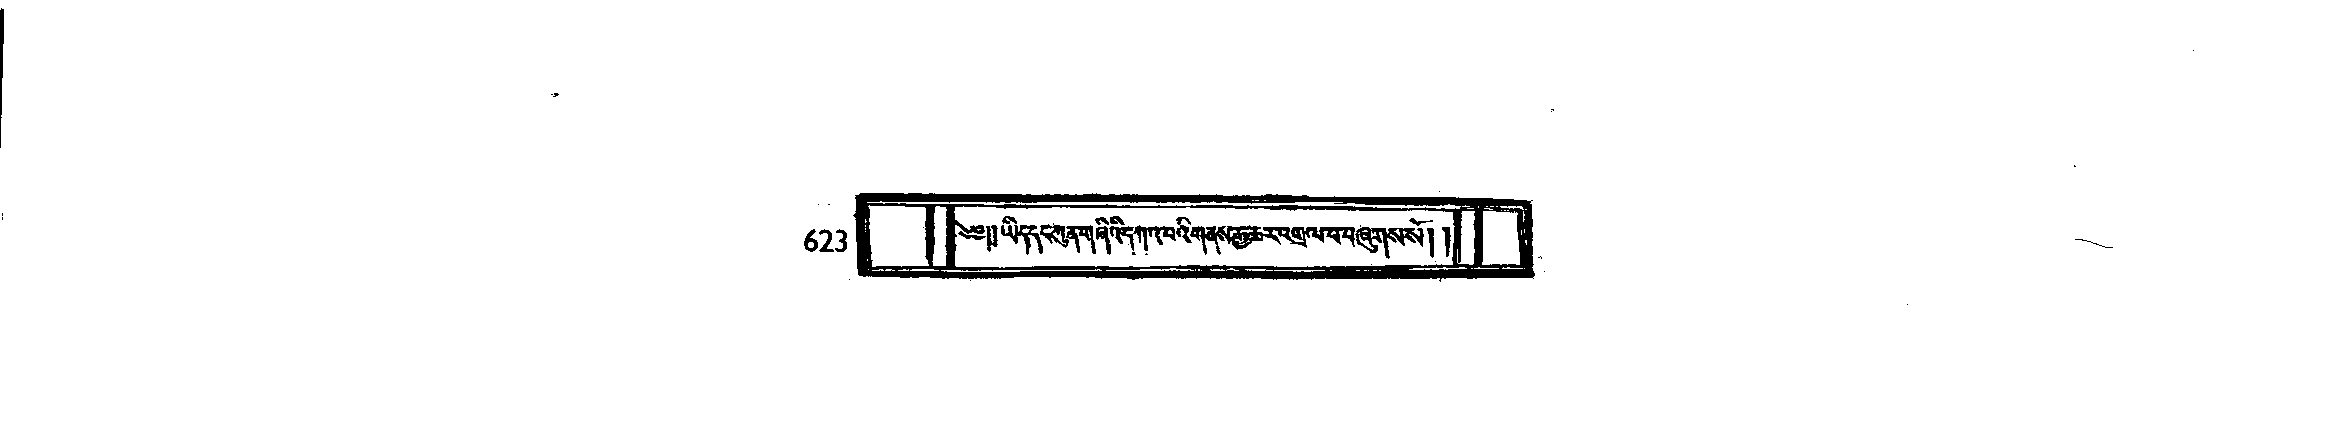༄༅།།ཡིད་དང་ཀུན་གཞིའི་དཀའ་བའི་གནས་རྒྱ་ཆེར་འགྲེལ་པ་བཞུགས་སོ།།